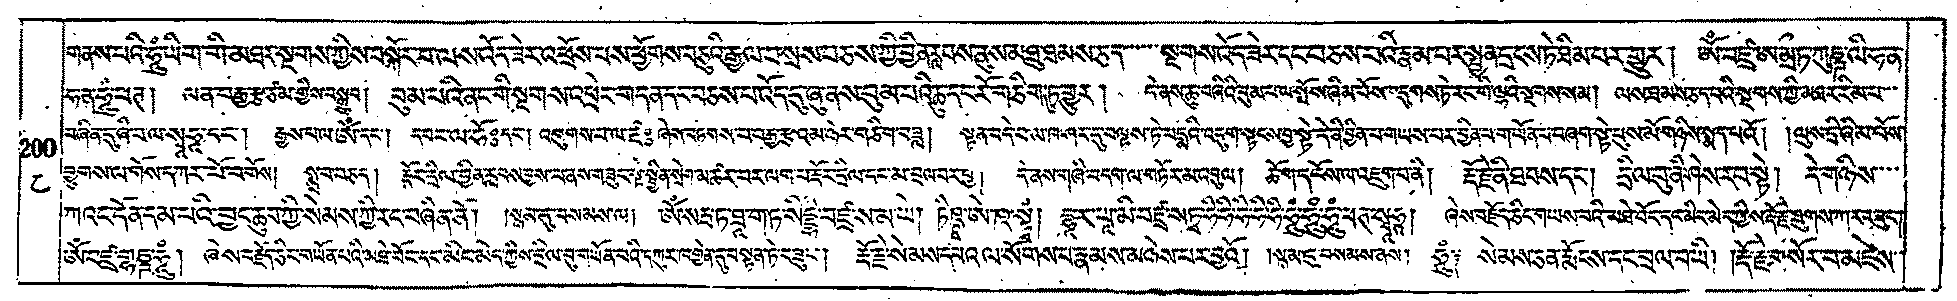གནས་པའི་ཧཱུཾ་ཡིག་གི་མཐར་སྔགས་ཀྱིས་བསྐོར་བ་ལས་འོད་ཟེར་འཕྲོས་པས་ཕྱོགས་བཅུའི་རྒྱལ་བ་སྲས་བཅས་ཀྱི་བྱིན་རླབས་ནུས་མཐུ་ཐམས་ཅད་་་སྔགས་འོད་ཟེར་དང་བཅས་པའི་རྣམ་པར་སྤྱན་དྲངས་ཏེ་ཐིམ་པར་གྱུར། ཨོཾ་བཛྲ་ཨ་མྲྀ་ཏ་ཀུཎྜ་ལི་ཧ་ན་
ཧ་ན་ཧཱུཾ་ཕཊ། ལན་བརྒྱ་རྩ་ཙམ་གྱིས་བསྒྲུབ།  བུམ་པའི་ནང་གི་སྔགས་འཕྲེང་གདན་དང་བཅས་པ་འོད་དུ་ཞུ་ནས་བུམ་པའི་ཆུ་དང་རོ་གཅིག་ཏུ་གྱུར། དེ་ནས་ཆུ་བཞིའི་བུམ་པ་ལ་སྤོས་ཞིམ་པོས་བདུགས་ཏེ་རང་གི་ལྷའི་སྔགས་སམ། ལས་ཐམས་ཅད་པའི་སྔགས་ཀྱི་མཐར་རིམ་པ་་་
བཞིན་དུ་ཞི་བ་ལ་སྭཱཧཱ་དང་། རྒྱས་པ་ལ་ཨོཾ་དང་། དབང་ལ་ཧོཿདང་། འགུགས་པ་ལ་ཛཿཞེས་བཏགས་པ་བརྒྱ་རྩའམ་ཉེར་གཅིག་བཟླ། སྟན་བདེ་བ་ལ་ཁ་ཤར་དུ་བལྟས་ཏེ་པདམའི་འདུག་སྟངས་བྱ་སྟེ་དེ་ནི་བྱིན་པ་གཡས་པར་བྱིན་པ་གཡོན་པ་བཞག་སྟེ་པུས་མོ་གཉིས་སྨད་པའོ། །ལུས་དྲི་ཞིམ་པོས་
བྱུགས་ལ་གོས་དཀར་པོ་བགོས། སྨྲ་བ་བཅད། རྡོར་དྲིལ་བྱིན་རླབས་བྱས་པ་ནས་གཟུང་སྟེ་སྦྱིན་སྲེག་མ་ཚར་བར་ལག་པ་རྡོར་དྲིལ་དང་མ་བྲལ་བར་བྱ། དེ་ནས་གཞི་བདག་ལ་གཏོར་མ་འབུལ། ཆོ་ག་དངོས་ལ་འཇུག་པ་ནི། རྡོ་རྗེ་ནི་ཐབས་དང་། དྲིལ་བུ་ནི་ཤེས་རབ་སྟེ། དེ་གཉིས་་་
ཀའང་དོན་དམ་པའི་བྱང་ཆུབ་ཀྱི་སེམས་ཀྱི་རང་བཞིན་ནོ། །སྙམ་དུ་བསམས་ལ།  ཨོཾ་སརྦ་ཏ་ཐཱ་ག་ཏ་སིདྡྷི་བཛྲ་ས་མ་ཡེ། ཏིཥཊཿཨ་ཡེ་ཥ་སྟྭཱཾ། དྷཱ་ར་ཡཱ་མི་བཛྲ་སཏྭ་ཧི་ཧི་ཧི་ཧི་ཧི་ཧཱུཾ་ཧཱུཾ་ཧཱུཾ་ཕཊ་སྭཱཧཱ། ཞེས་བརྗོད་ཅིང་གཡས་པའི་མཐེ་བོང་དང་མིང་མེད་ཀྱིས་རྡོ་རྗེ་ཐུགས་ཀར་བཟུང་།
ཨོཾ་བཛྲ་གྷཎྜ་ཧཱུཾ། ཞེས་བརྗོད་ཅིང་གཡོན་པའི་མཐེ་བོང་དང་མིང་མེད་ཀྱིས་དྲིལ་བུ་གཡོན་པའི་དཀུར་ཁ་གྱེན་དུ་བསྟན་ཏེ་བཟུང་།  རྡོ་རྗེ་སེམས་དཔའ་ལ་སོགས་པ་རྣམས་མཉེས་པར་བྱའོ། །སྙམ་དུ་བསམས་ནས། ཧཱུཾའ་སེམས་ཅན་རྨོངས་དང་བྲལ་བ་ཡི། །རྡོ་རྗེ་གསོར་བ་མཛེས་་་